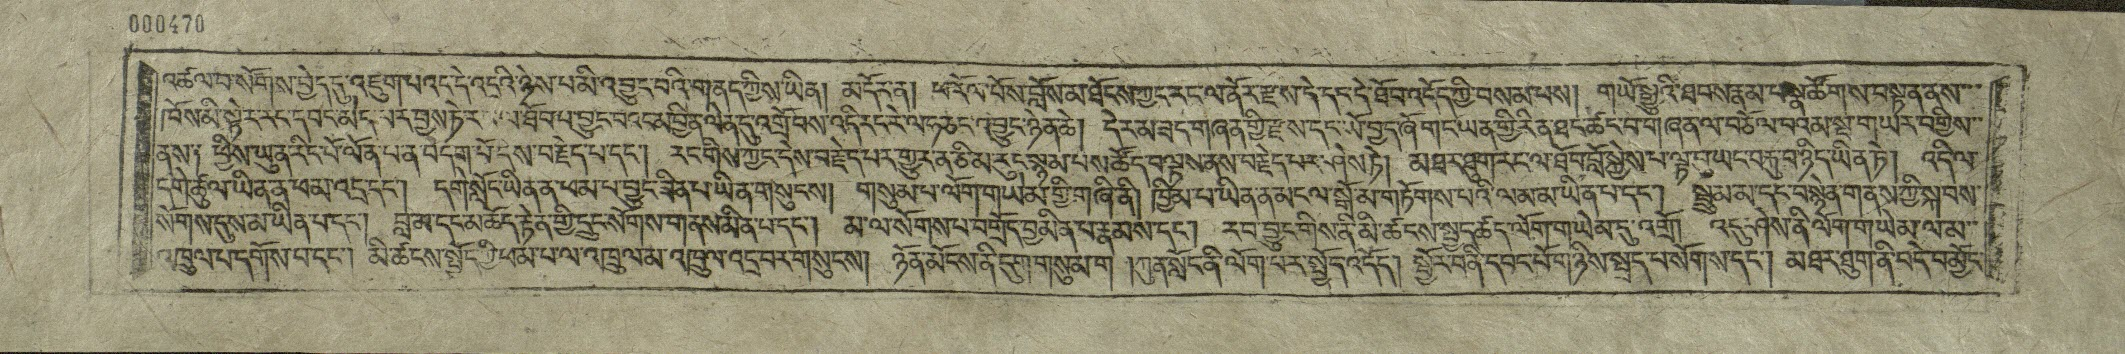འཚལ་བ་སོགས་བྱེད་དུ་འཇུག་པའང་དེ་འདྲའི་ཉེས་པ་མི་འབྱུང་བའི་གནད་ཀྱིས་ཡིན། མདོར་ན། ཕ་རོལ་པོས་བློས་མ་ཐོངས་ཀྱང་རང་ལ་ནོར་རྫས་དེ་དང་དེ་ཐོབ་འདོད་ཀྱི་བསམ་པས། གཡོ་སྒྱུའི་ཐབས་རྣམ་པ་སྣ་ཚོགས་བསྟན་ནས་
ཁོས་མི་སྟེར་རང་དབང་མེད་པར་བྱས་ཏེ་རང་ལ་ཐོབ་པ་བྱུང་བའང་མ་བྱིན་ལེན་དུ་འགྲོ་བས་འདི་རང་རེ་ལ་ཧ་ཅང་འབྱུང་ཉེན་ཆེ། དེར་མ་ཟད་གཞན་གྱི་རྫས་དང་ཡོ་བྱད་ཞོ་གང་ཡན་གྱི་རིན་ཐང་ཚང་བ་གཞན་ལ་བཅོལ་བའམ་སྔ་གཡར་བགྱིས་
ནས༑ ཕྱིས་ཡུན་རིང་པོ་ལོན་པ་ན་བདག་པོ་དེས་བརྗེད་པ་དང་། རང་གིས་ཀྱང་དེས་བརྗེད་པར་གྱུར་ན་ཅི་མ་རུང་སྙམ་པས་ཚོད་བལྟས་ནས་བརྗེད་པར་ཤེས་ཏེ། མཐར་ཐུག་རང་ལ་ཐོབ་བློ་སྐྱེས་པ་ལྟ་བུ་ཡང་བརྐུ་བ་ཉིད་ཡིན་ཏེ། འདི་ལ་
དགེ་ཚུལ་ཡིན་ན་ཕམ་འདྲ་དང་། དགེ་སློང་ཡིན་ན་ཕམ་པ་བྱུང་ཟིན་པ་ཡིན་གསུངས། གསུམ་པ་ལོག་གཡེམ་གྱི་གཞི་ནི། ཁྱིམ་པ་ཡིན་ན་མངལ་སྒོ་མ་གཏོགས་པའི་ལམ་མ་ཡིན་པ་དང་། སྦྲུམ་མ་དང་བསྙེན་གནས་ཀྱི་སྐབས་
སོགས་དུས་མ་ཡིན་པ་དང་། བླ་མ་དང་མཆོད་རྟེན་གྱི་དྲུང་སོགས་གནས་མིན་པ་དང་། མ་ལ་སོགས་པ་བགྲོད་བྱ་མིན་པ་རྣམས་དང་། རབ་བྱུང་གིས་ནི་མི་ཚངས་སྤྱད་ཚད་ལོག་གཡེམ་དུ་འགྲོ། འདུ་ཤེས་ནི་ལོག་གཡེམ་ལ་མ་
འཁྲུལ་པ་དགོས་པ་དང་། མི་ཚངས་སྤྱོད་ཀྱི་ཕམ་པ་ལ་འཁྲུལ་མ་འཁྲུལ་འདྲ་བར་གསུངས། ཉོན་མོངས་ནི་དུག་གསུམ་ག །ཀུན་སློང་ནི་ལོག་པར་སྤྱོད་འདོད། སྦྱོར་བ་ནི་དབང་པོ་གཉིས་སྤྲད་པ་སོགས་དང་། མཐར་ཐུག་ནི་བདེ་བ་མྱོང་